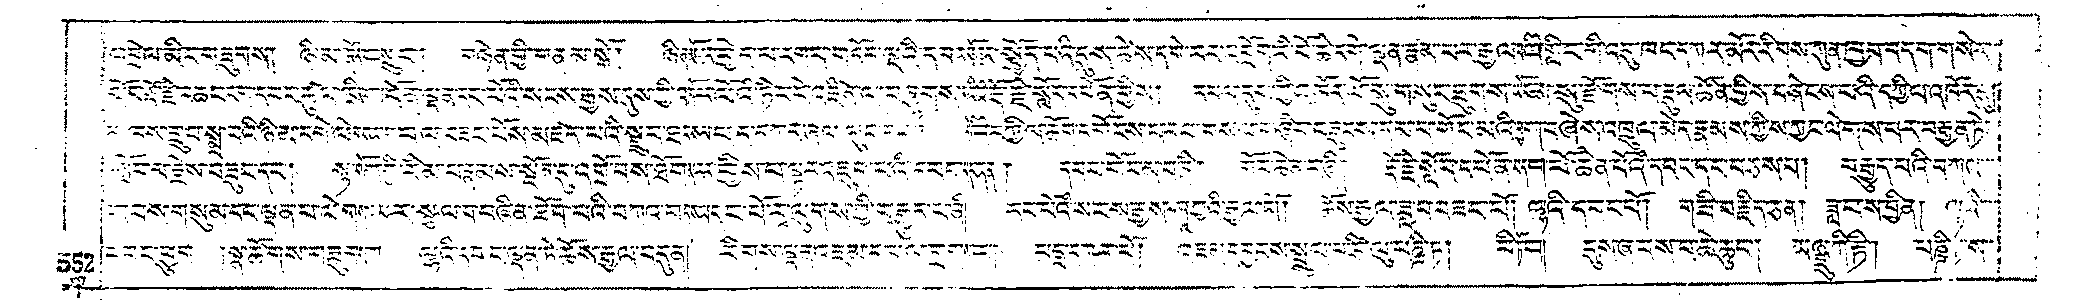འབྲེལ་མིང་གཟུགས། ཉི་མ་ནོར་བསྲུང་། གཉེན་གྱི་གནམ་སྒོ། ཉིན་མོར་བྱེད་པ་རག་པ་གདོང་ལྔའི་དབང་པོར་སྤྱོད་པའི་དུས་ཚེས་དགེ་བར་འབྲོག་རི་བོ་ཆེ་དགེ་ལྡན་རྣམ་པར་རྒྱལ་བའི་གླིང་གི་འདུ་ཁང་དཀར་མོར་རིགས་ཀུན་ཁྱབ་བདག་གསེར་
སྐོང་རྡོ་རྗེ་འཆང་ངག་དབང་ཚུལ་ཁྲིམས་དོན་ལྡན་དང་པོའི་སངས་རྒྱས་དུས་ཀྱི་འཁོར་ལོའི་ཏིང་ངེ་འཛིན་ལ་བཞུགས་པའི་རྡོ་རྗེ་སློབ་དཔོན་གྱིས། དཔལ་དུས་ཀྱི་འཁོར་ལོ་སྐུ་གསུངས་ཐུག་ཡོངས་སུ་རྫོགས་པ་རྡུལ་ཚོན་གྱིས་བཞེངས་པའི་དཀྱིལ་འཁོར་དུ།
མཁས་གྲུབ་སྨྲ་བའི་ཉི་མ་དགེ་ལེགས་དཔལ་བཟང་པོས་མཛད་པའི་སྒྲུབ་ཐབས་པད་དཀར་ཞལ་ལུང་དང་། དེའི་དཀྱིལ་ཆོག་དགོངས་པ་རབ་གསལ་གཞིར་བཟུངས་དམ་པ་གོང་མའི་ཕྱག་བཞེས་འཁྲུལ་མེད་རྣམས་ཀྱིས་ཀྱང་ལེགས་པར་བརྒྱན་ཏེ།
སློབ་མ་རྗེས་བཟུང་དང་། སྟ་གོན་གྱི་རིམ་པ་རྣམས་སྔོན་དུ་འགྲོ་བས་ཐོག་མར་བྱིས་པ་ལྟར་འཇུག་པའི་དབང་བདུན། དབང་གོང་མ་བཞི། གོང་ཆེན་བཞི། རྡོ་རྗེ་སློབ་དཔོན་བདག་པོ་ཆེན་པོའི་དབང་དང་བཅས་པ། བརྒྱུད་པའི་བཀའ་
བབས་གསུམ་དང་ལྡན་པ་ལེགས་པར་སྩལ་བ་བཞིན་ཐོབ་པའི་བཀའ་བབས་དང་པོ་རྭ་ལུགས་ཀྱི་བརྒྱུད་པ་ནི། དང་པོའི་སངས་རྒྱས་ཤཱཀྱའི་རྒྱལ་པོ། ཆོས་རྒྱལ་ཟླ་བ་བཟང་པོ། ལྷའི་དབང་པོ། གཟི་བརྗིད་ཅན། ཟླ་བས་བྱིན། ལྷའི་
དབང་ཕྱུག །སྣ་ཚོགས་གཟུགས། ལྷའི་དབང་ལྡན་ཏེ་ཆོས་རྒྱལ་བདུན། རིགས་ལྡན་འཇམ་དཔལ་གྲགས་པ། པདམ་དཀར་པོ། འཇམ་དབྱངས་སྤྲུལ་པ་ཅི་ལུ་པཎྜི་ཏ། བི་ཏོ་བ། དུས་ཞབས་པ་ཆེ་ཆུང་། མཉྫུ་ཀི་རྟི། པཎྜི་ཏ་ས་